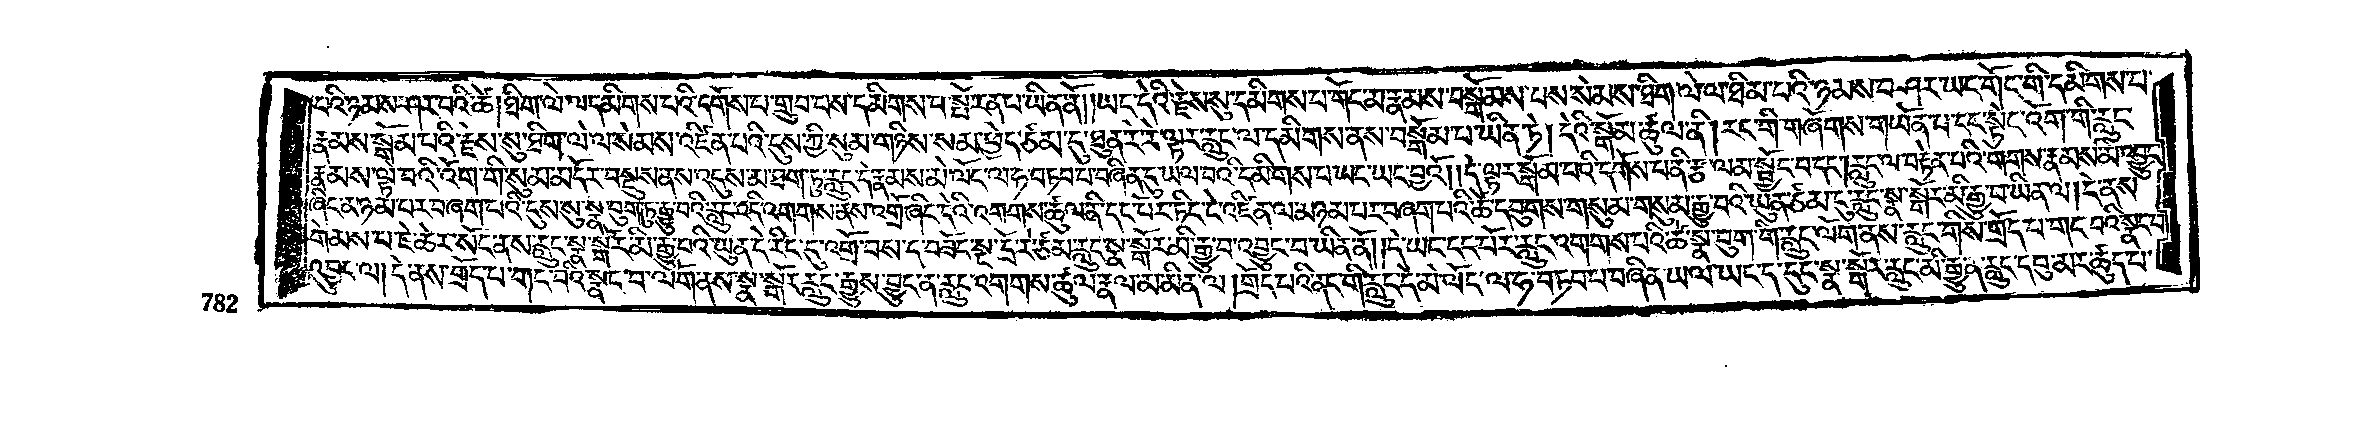པའི་ཉམས་ཤར་བའི་ཚེ། ཐིག་ལེ་ལ་དམིགས་པའི་དགོས་པ་གྲུབ་པས་དམིགས་པ་སྤོ་རན་པ་ཡིན་ནོ། །ཡང་དེའི་རྗེས་སུ་དམིགས་པ་གོང་མ་རྣམས་བསྒོམས་པས་སེམས་ཐིག་ལེ་ལ་ཐིམ་པའི་ཉམས་བཤར་ཡང་གོང་གི་དམིགས་པ་
རྣམས་སྒོམ་པའི་རྗེས་སུ་ཐིག་ལེ་ལ་སེམས་འཛིན་པའི་དུས་ཀྱི་སུམ་གཉིས་སམ་ཕྱེད་ཙམ་དུ་ཐུན་རེ་རེ་ལྟར་རླུང་ལ་དམིགས་ནས་བསྒོམ་པ་ཡིན་ཏེ། དེའི་སྒོམ་ཚུལ་ནི། རང་གི་གཞོགས་གཡོན་པ་དང་སྟེང་འོག་གི་རླུང་
རྣམས་ལྟ་བའི་འོག་གི་སུམ་མདོར་བསྡུས་ནས་འདུས་མ་ཐག་ཏུ་རླུང་དེ་རྣམས་མེ་ལོང་ལ་ཧ་བཏབ་པ་བཞིན་དུ་ཡལ་བའི་དམིགས་པ་ཡང་ཡང་བྱའོ། །དེ་ལྟར་སྒོམ་པའི་དགོས་པ་ནི་རྩ་ལམ་སྦྱོང་བ་དང་། རླུང་ལ་བརྟེན་པའི་གེགས་རྣམས་མི་འབྱུང་
ཞིང་མཉམ་པར་བཞག་པའི་དུས་སུ་སྣ་བུག་ཏུ་རྒྱུ་བའི་རླུང་འདི་འགགས་ནས་འགྲོ་ཞིང་དེའི་འགགས་ཚུལ་ནི་དང་པོར་ཏིང་ངེ་འཛིན་ལ་མཉམ་པར་བཞག་པའི་ཚེ་དབུགས་གསུམ་གསུམ་རྒྱུ་བའི་ཡུན་ཙམ་དུ་རླུང་སྣ་སྒོར་མི་རྒྱུ་བ་ཡིན་ལ། དེ་ནས་
གོམས་པ་ཇེ་ཆེར་སོང་ནས་རླུང་སྣ་སྒོར་མི་རྒྱུ་བའི་ཡུན་དེ་རིང་དུ་འགྲོ་བས་ད་བཟོད་སྔ་དྲོ་རེ་ཙམ་རླུང་སྣ་སྒོར་མི་རྒྱུ་བ་འབྱུང་བ་ཡིན་ནོ། །དེ་ཡང་དང་པོར་རླུང་འགགས་པའི་ཚེ་སྣ་བུག་གི་རླུང་ལོག་ནས་རླུང་གིས་གྲོད་པ་གང་བའི་སྣང་བ་
འབྱུང་ལ། དེ་ནས་གྲོད་པ་གང་བའི་སྣང་བ་ལོག་ནས་སྣ་སྒོར་རླུང་རྒྱུས་བྱུང་ན་རླུང་འགགས་ཚུལ་རྣལ་མ་མིན་ལ། གྲོད་པའི་རང་གི་རླུང་དེ་མེ་ལོང་ལ་ཧ་བཏབ་པ་བཞིན་ཡལ་ཡང་ད་དུང་སྣ་སྒོར་རླུང་མི་རྒྱུ་ན་རླུང་དབུ་མར་ཚུད་པ་